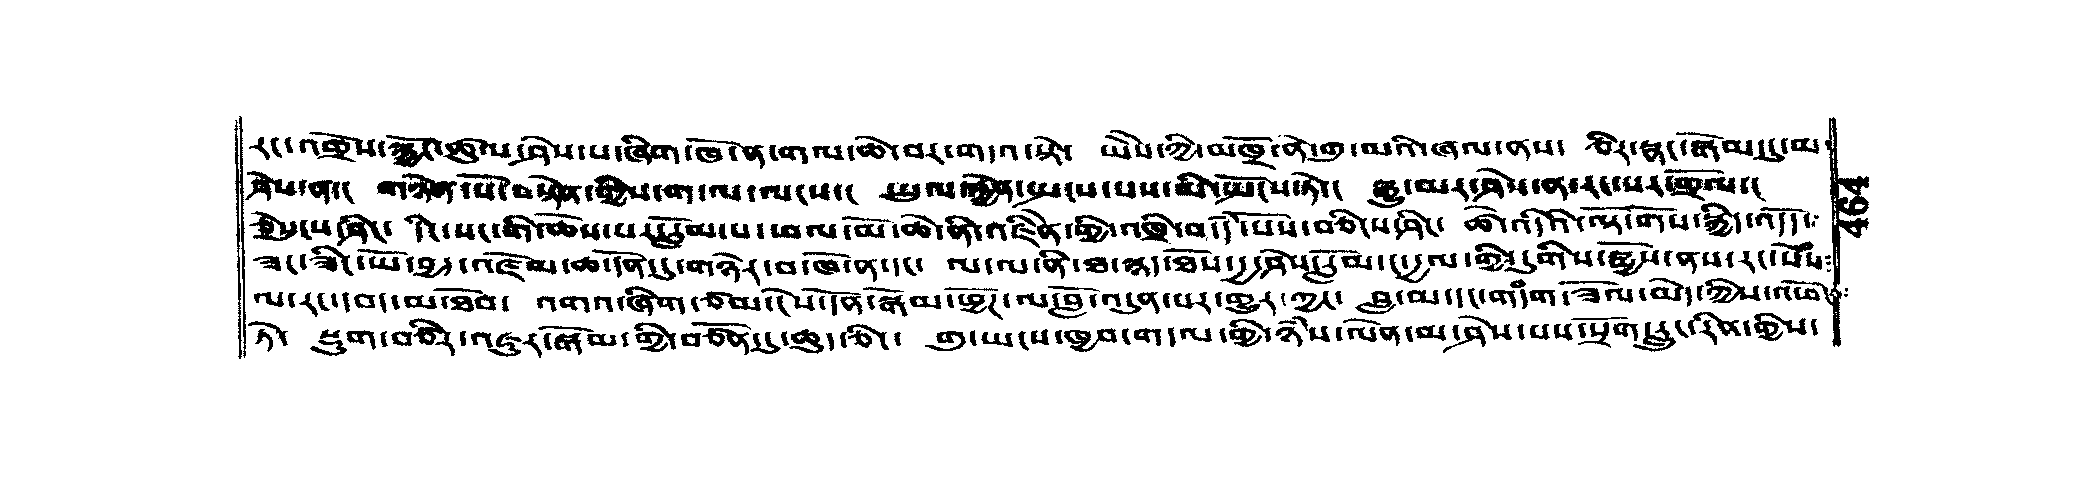རང་འགྲོས་སྐྱོང་ཚུལ་ཤེས་པ་ཞིག་ཁོ་ན་གལ་ཆེ་བར་གདའ་སྟེ། ཡེ་ཤེས་ཀྱི་མཁའ་འགྲོ་ནི་གུ་མའི་ཞལ་ནས། ཅིར་སྣང་སྒོམ་དུ་མ་
ཤེས་ན། །གཉེན་པོ་བསྟེན་གྱིས་ག་ལ་ལངས། །ཡུལ་རྐྱེན་སྤངས་པས་མི་སྤོང་སྟེ། །སྒྱུ་མར་ཤེས་ན་རང་སར་གྲོལ། 
ཅེས་གསུངས་ཤིང་། དིང་སང་གི་ཆོས་པར་རློམ་པ་ཕལ་མོ་ཆེ་ནི་འཇིག་རྟེན་གྱི་འཁྲི་བ་དམ་པོས་བཅིངས་ཤིང་། ཚེ་འདིའི་ལྟོ་གོས་སྐྱིད་འདོད་
ཟང་ཟིང་ཡོ་བྱད་འཛོམ་ཆ་དོན་དུ་གཉེར་བ་ཁོ་ན་དང་། ལ་ལ་ནི་ཐ་སྙད་ཐོས་རྒྱ་ཤེས་རློམ་ང་རྒྱལ་གྱི་དུག་གིས་སྨྱོས་ནས་རང་སེམས་
ལ་རང་དབང་མ་ཐོབ། འགའ་ཞིག་ཙམ་ངེས་དོན་སྒོམ་ཕྱོགས་ལ་བློ་འདུན་པར་གྱུར་ཡང་། བླ་མ་དང་གདམས་ངག་ཟོལ་མེད་ཀྱིས་འཕོངས་
ཏེ། སྡུག་བཙིར་འཇུར་སྒོམ་གྱི་བཙོན་དུ་ཆུད་ཅིང་། གུ་ཡངས་ཁྱབ་གདལ་གྱི་ཉམས་ལེན་མ་ཤེས་པས་སྲོག་རླུང་རིན་གྱིས་